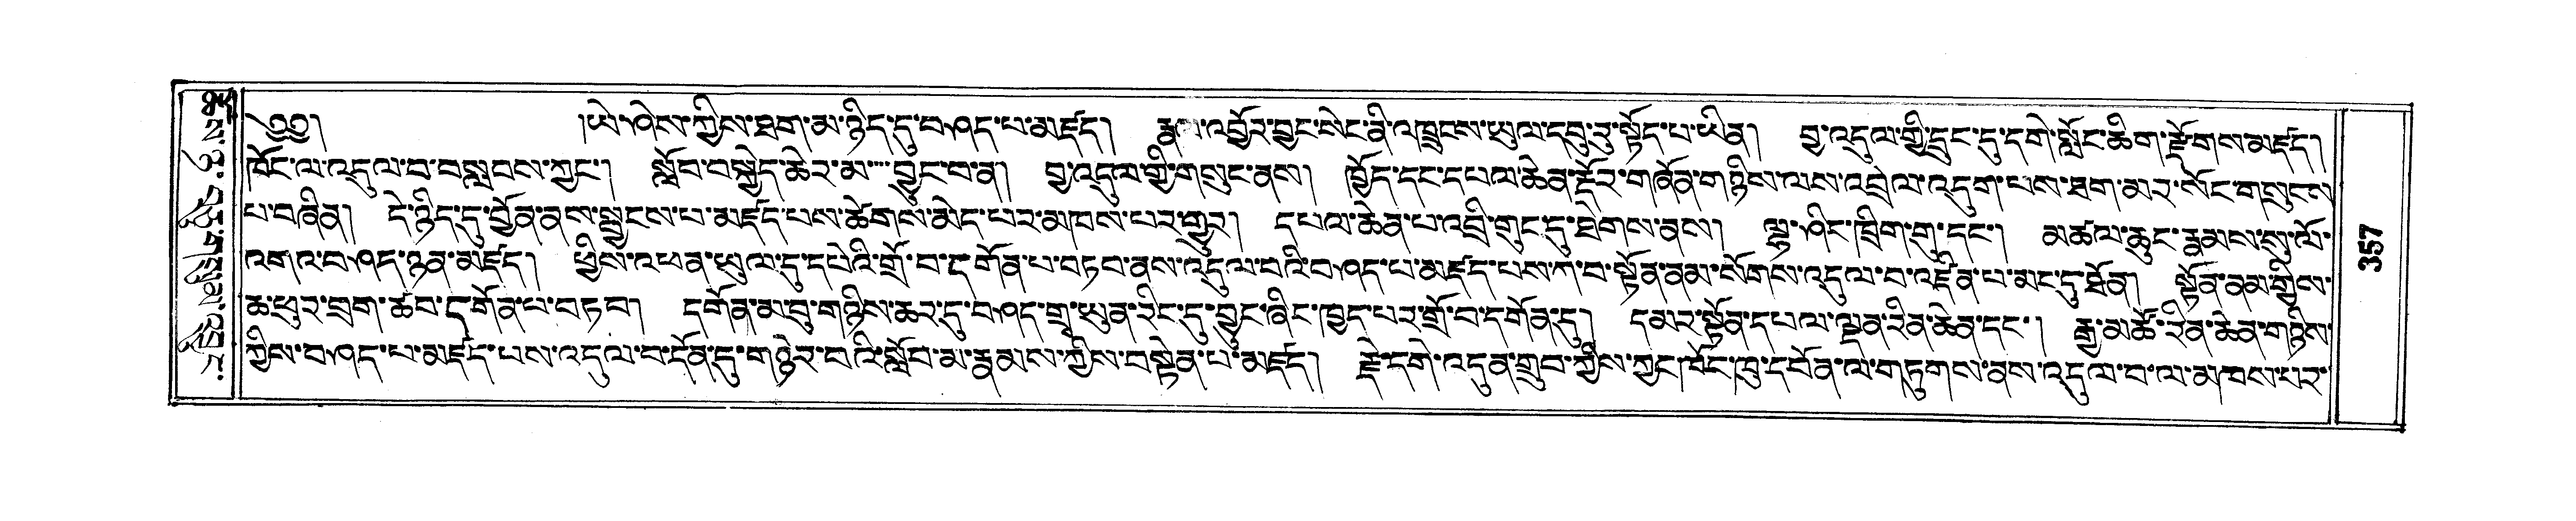༄༅། །ཡེ་ཤེས་ཀྱིས་ཐག་མ་ཉིད་དུ་བཤད་པ་མཛད། རྣལ་འབྱོར་བྱང་སེང་ནི་འཁྲུངས་ཡུལ་དབུ་རུ་སྟོད་པ་ཡིན། བྱ་འདུལ་གྱི་དྲུང་དུ་དགེ་སློང་ཆིག་རྫོགས་མཛད།
ཁོང་ལ་འདུལ་བ་བསླབས་ཀྱང་། སློབ་བསྐྱེད་ཆེར་མ་བྱུང་བ་ན། བྱ་འདུལ་གྱི་གསུང་ནས། ཁྱོད་དང་དཔལ་ཆེན་རྡོར་གཞོན་གཉིས་ལས་འབྲེལ་འདུག་པས་ཐག་མར་སོང་གསུངས་
པ་བཞིན། དེ་ཉིད་དུ་བྱོན་ནས་སྦྱངས་པ་མཛད་པས་ཚེགས་མེད་པར་མཁས་པར་གྱུར། དཔལ་ཆེན་པ་འབྲི་གུང་དུ་ཐེགས་ནས། ལྷ་ཤིང་ཁྲིག་གུ་དང་། མཚལ་ཆུང་རྣམས་སུ་ལོ་
འགའ་བཤད་ཉན་མཛད། ཕྱིས་འཕན་ཡུལ་དུ་དཔེའི་གྲོ་བ་དགོན་པ་བཏབ་ནས་འདུལ་བའི་བཤད་པ་མཛད་པས་ཀ་བ་སྟོན་ནམ་སོགས་འདུལ་བ་འཛིན་པ་མང་དུ་ཐོན། སྟོན་ནམ་གྱིས་
ཆ་ཕུར་བྲག་ཚབ་དགོན་པ་བཏབ། དགོན་མ་བུ་གཉིས་ཆར་དུ་བཤད་གྲྭ་ཡུན་རིང་དུ་བྱུང་ཞིང་ཁྱད་པར་གྲོ་བ་དགོན་དུ། དམར་སྟོན་དཔལ་ལྡན་རིན་ཆེན་དང་། རྒྱ་མཚོ་རིན་ཆེན་གཉིས་
ཀྱིས་བཤད་པ་མཛད་པས་འདུལ་བ་དོན་དུ་གཉེར་བའི་སློབ་མ་རྣམས་ཀྱིས་བསྟེན་པ་མཛད། རྗེ་དགེ་འདུན་གྲུབ་ཀྱིས་ཀྱང་ཁོང་ཁུ་དབོན་ལ་གཏུགས་ནས་འདུལ་བ་ལ་མཁས་པར་